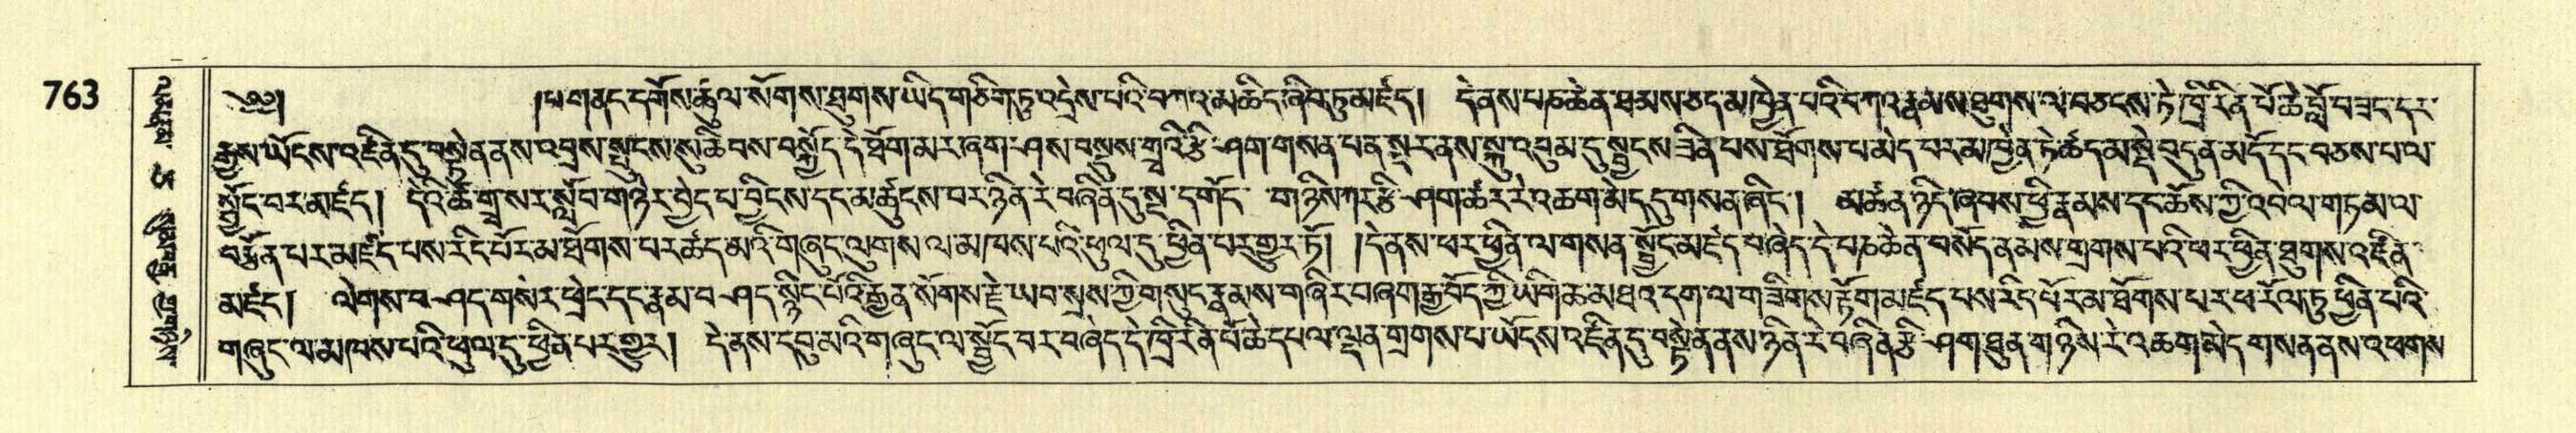༄༅། །པ་གནང་དགོས་ཚུལ་སོགས་ཐུགས་ཡིད་གཅིག་ཏུ་འདྲེས་པའི་བཀའ་མཆིད་ཞིབ་ཏུ་མཛད། དེ་ནས་པཎ་ཆེན་ཐམས་ཅད་མཁྱེན་པའི་བཀའ་རྣམས་ཐུགས་ལ་བཅངས་ཏེ་ཁྲི་རིན་པོ་ཆེ་བློ་བཟང་དར་
རྒྱས་ཡོངས་འཛིན་དུ་བསྟེན་ནས་འབྲས་སྤུངས་སུ་ཆིབས་བསྐྱོད་དེ་ཐོག་མར་ཞག་ཤས་བསྡུས་གྲྭའི་རྩི་ཤག་གསན་པན་སྔར་ནས་སྐུ་འབུམ་དུ་སྦྱངས་ཟིན་པས་ཐོགས་པ་མེད་པར་མཁྱེན་ཏེ་ཚད་མ་སྡེ་བདུན་མདོ་དང་བཅས་པ་ལ་
སྦྱོང་བར་མཛད། དེའི་ཚེ་གྲྭ་སར་སློབ་གཉེར་བྱེད་པ་བྱིངས་དང་མཚུངས་བར་ཉིན་རེ་བཞིན་དུ་སྔ་དགོང་གཉིས་ཀར་རྩི་ཤག་ཚར་རེ་འཆག་མེད་དུ་གསན་ཞིང་། མཚན་ཉིད་ཞབས་ཕྱི་རྣམས་དང་ཆོས་ཀྱི་འབེལ་གཏམ་ལ་
བརྩོན་པར་མཛད་པས་རིང་པོར་མ་ཐོགས་པར་ཚད་མའི་གཞུང་ལུགས་ལ་མཁས་པའི་ཕུལ་དུ་ཕྱིན་པར་གྱུར་ཏོ། །དེ་ནས་ཕར་ཕྱིན་ལ་གསན་སྦྱོང་མཛད་བཞེད་དེ་པཎ་ཆེན་བསོད་ནམས་གྲགས་པའི་ཕར་ཕྱིན་ཐུགས་འཛིན་
མཛད། ལེགས་བཤད་གསེར་ཕྲེང་དང་རྣམ་བཤད་སྙིང་པོའི་རྒྱན་སོགས་རྗེ་ཡབ་སྲས་ཀྱི་གསུང་རྣམས་གཞིར་བཞག་རྒྱ་བོད་ཀྱི་ཡིག་ཆ་མཐའ་དག་ལ་གཟིགས་རྟོག་མཛད་པས་རིང་པོར་མ་ཐོགས་པར་ཕ་རོལ་ཏུ་ཕྱིན་པའི་
གཞུང་ལ་མཁས་པའི་ཕུལ་དུ་ཕྱིན་པར་གྱུར། དེ་ནས་དབུ་མའི་གཞུང་ལ་སྦྱོང་བར་བཞེད་དེ་ཁྲི་རིན་པོ་ཆེ་དཔལ་ལྡན་གྲགས་པ་ཡོངས་འཛིན་དུ་བསྟེན་ནས་ཉིན་རེ་བཞིན་རྩི་ཤག་ཐུན་གཉིས་རེ་འཆག་མེད་གསན་ནས་འཕགས་